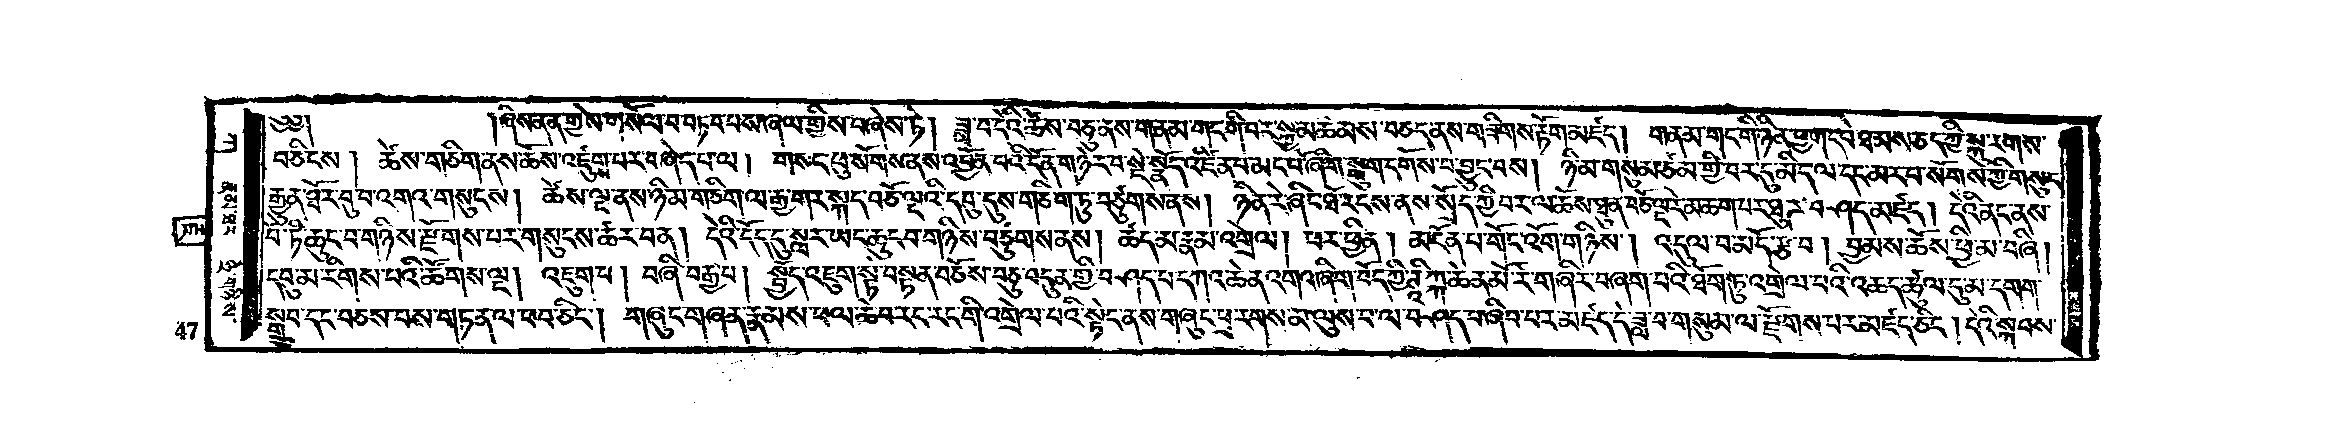༄༅། །ཞེས་ནན་གྱེས་གསོལ་བ་བཏབ་པས་ཞལ་གྱིས་བཞེས་ཏེ། ཟླ་བ་དེའི་ཚེས་བཅུ་ནས་གནམ་གང་གི་བར་སྐྱེ་མཚམས་བཅད་ནས་གཟིགས་རྟོག་མཛད། གནམ་གང་གི་ཉིན་ཕྱག་དཔེ་ཐམས་ཅད་ཀྱི་སྐུ་རགས་
བཅིངས། ཚེས་གཅིག་ནས་ཆོས་འཛུགས་པར་བཞེད་པ་ལ། གསང་ཕུ་སོགས་ནས་འབྱོན་པའི་དོན་གཉེར་བ་སྡེ་སྣོད་འཛིན་པ་མང་པོ་ཞིག་སྒུག་དགོས་པ་བྱུང་བས། ཉི་མ་གསུམ་ཙམ་གྱི་བར་དུ་མི་དལ་དང་མར་པ་སོགས་ཀྱི་གསུང་
རྒྱུན་ཐོར་བུ་བ་འགའ་གསུངས། ཚེས་ལྔ་ནས་ཉི་མ་གཅིག་ལ་རྒྱ་གར་སྐད་བཅོ་ལྔའི་དབུ་དུས་གཅིག་ཏུ་བཙུགས་ནས། ཉིན་རེ་ཞིང་ཐོ་རངས་ནས་སྲོད་ཀྱི་བར་ལ་ཆོས་ཐུན་བཅོ་ལྔ་རེ་མ་ཆག་པར་ཐུགས་བཤད་མཛད། དེའི་ནང་ནས་
པོ་ཏི་ཆུང་བ་གཉིས་རྫོགས་པར་གསུངས་ཚར་བ་ན། དེའི་དོད་དུ་སླར་ཡང་ཆུང་བ་གཉིས་བཙུགས་ནས། ཚད་མ་རྣམ་འགྲེལ། ཕར་ཕྱིན། མངོན་པ་གོང་འོག་གཉིས། འདུལ་བ་མདོ་རྩ་བ། བྱམས་ཆོས་ཕྱི་མ་བཞི།
དབུ་མ་རིགས་པའི་ཚོགས་ལྔ། འཇུག་པ། བཞི་བརྒྱ་པ། སྤྱོད་འཇུག་སྟེ་བསྟན་བཅོས་བཅུ་བདུན་གྱི་བཤད་པ་དཀའ་ཆེན་འགའ་ཞིག་བོད་ཀྱི་ཊའིཀྐ་ཆེན་མོ་རེ་གཞིར་བཞག་པའི་ཐོག་ཏུ་འགྲེལ་པའི་འཆད་ཚུལ་དུ་མ་དགག་
སྒྲུབ་དང་བཅས་པས་གཏན་ལ་ཕབ་ཅིང་། གཞུང་གཞན་རྣམས་ཕལ་ཆེ་བ་རང་རང་གི་འགྲེལ་པའི་སྟེང་ནས་གཞུང་ཕྲ་རགས་མ་ལུས་པ་ལ་བཤད་པ་ཞིབ་པར་མཛད་དེ་ཟླ་བ་གསུམ་ལ་རྫོགས་པར་མཛད་ཅིང་། དེའི་སྐབས་